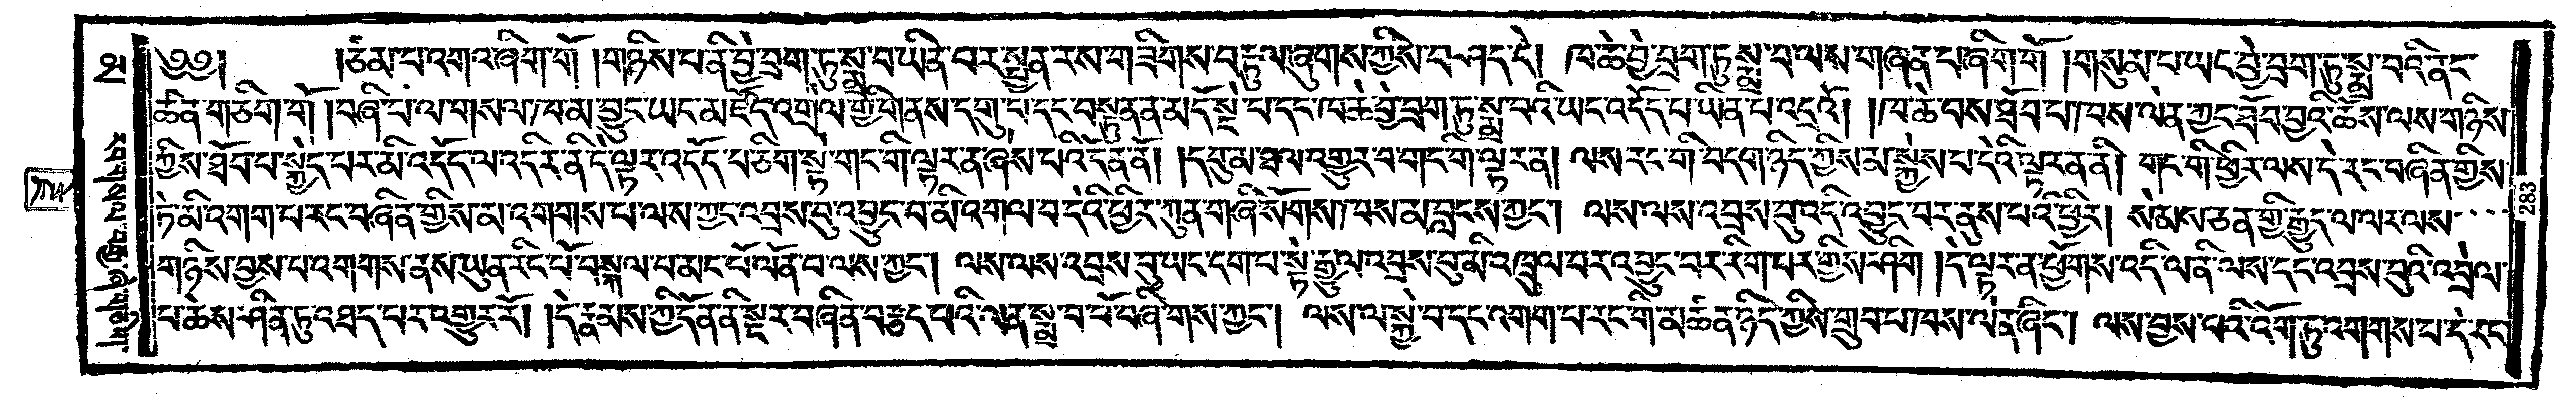༄༅། །ཙམ་པ་འགའ་ཞིག་གོ །གཉིས་པ་ནི་བྱེ་བྲག་ཏུ་སྨྲ་བ་ཡིན་པར་སྤྱན་རས་གཟིགས་བརྟུལ་ཞུགས་ཀྱིས་བཤད་དེ། ཁ་ཆེ་བྱེ་བྲག་ཏུ་སྨྲ་བ་ལས་གཞན་པ་ཞིག་གོ །གསུམ་པ་ཡང་བྱེ་བྲག་ཏུ་སྨྲ་བའི་ནང་
ཚན་གཅིག་གོ །བཞི་པ་ལ་གསལ་ཁ་མ་བྱུང་ཡང་མཛོད་འགྲེལ་གྱི་གནས་དགུ་པ་དང་བསྟུན་ན་མདོ་སྡེ་པ་དང་ཁ་ཆེ་བྱེ་བྲག་ཏུ་སྨྲ་བའི་ཡང་འདོད་པ་ཡིན་པ་འདྲའོ། །ཁ་ཆེ་བས་ཐོབ་པ་ཁས་ལེན་ཀྱང་ཐོབ་བྱའི་ཆོས་ལས་གཉིས་
ཀྱིས་ཐོབ་པ་སྐྱེད་པར་མི་འདོད་ལ་འདིར་ནི་དེ་ལྟར་འདོད་པ་ཅིག་སྟེ་གང་གི་ལྟར་ན་ཞེས་པའི་དོན་ནོ། །དབུ་མ་ཐལ་འགྱུར་བ་གང་གི་ལྟར་ན། ལས་རང་གི་བདག་ཉིད་ཀྱིས་མ་སྐྱེས་པ་དེའི་ལྟར་ན་ནི། གང་གི་ཕྱིར་ལས་དེ་རང་བཞིན་གྱིས་
ཏེ་མི་འགག་པ་རང་བཞིན་གྱིས་མ་འགགས་པ་ལས་ཀྱང་འབྲས་བུ་འབྱུང་བ་མི་འགལ་བ་དེའི་ཕྱིར་ཀུན་གཞི་སོགས་ཁས་མ་བླངས་ཀྱང་། ལས་ལས་འབྲས་བུ་འདི་འབྱུང་བར་ནུས་པའི་ཕྱིར། སེམས་ཅན་གྱི་རྒྱུད་ལ་ལར་ལས་
གཉིས་བྱས་པ་འགགས་ནས་ཡུན་རིང་པོ་བསྐལ་པ་མང་པོ་ལོན་པ་ལས་ཀྱང་། ལས་ལས་འབྲས་བུ་ཡང་དག་པ་སྟེ་རྒྱུ་ལ་འབྲས་བུ་མི་འཁྲུལ་བར་འབྱུང་བར་རིག་པར་གྱིས་ཤིག །དེ་ལྟར་ན་ཕྱོགས་འདི་ལ་ནི་ལས་དང་འབྲས་བུའི་འབྲེལ་
པ་ཆེས་ཤིན་ཏུ་འཐད་པར་འགྱུར་རོ། །དེ་རྣམས་ཀྱི་དོན་ནི་སྔར་བཞིན་བརྩད་པའི་ལན་སྨྲ་བ་པོ་བཞི་གས་ཀྱང་། ལས་ལ་སྐྱེ་བ་དང་འགག་པ་རང་གི་མཚན་ཉིད་ཀྱིས་གྲུབ་པ་ཁས་ལེན་ཞིང་། ལས་བྱས་པའི་འོག་ཏུ་འགགས་པ་དེ་རང་